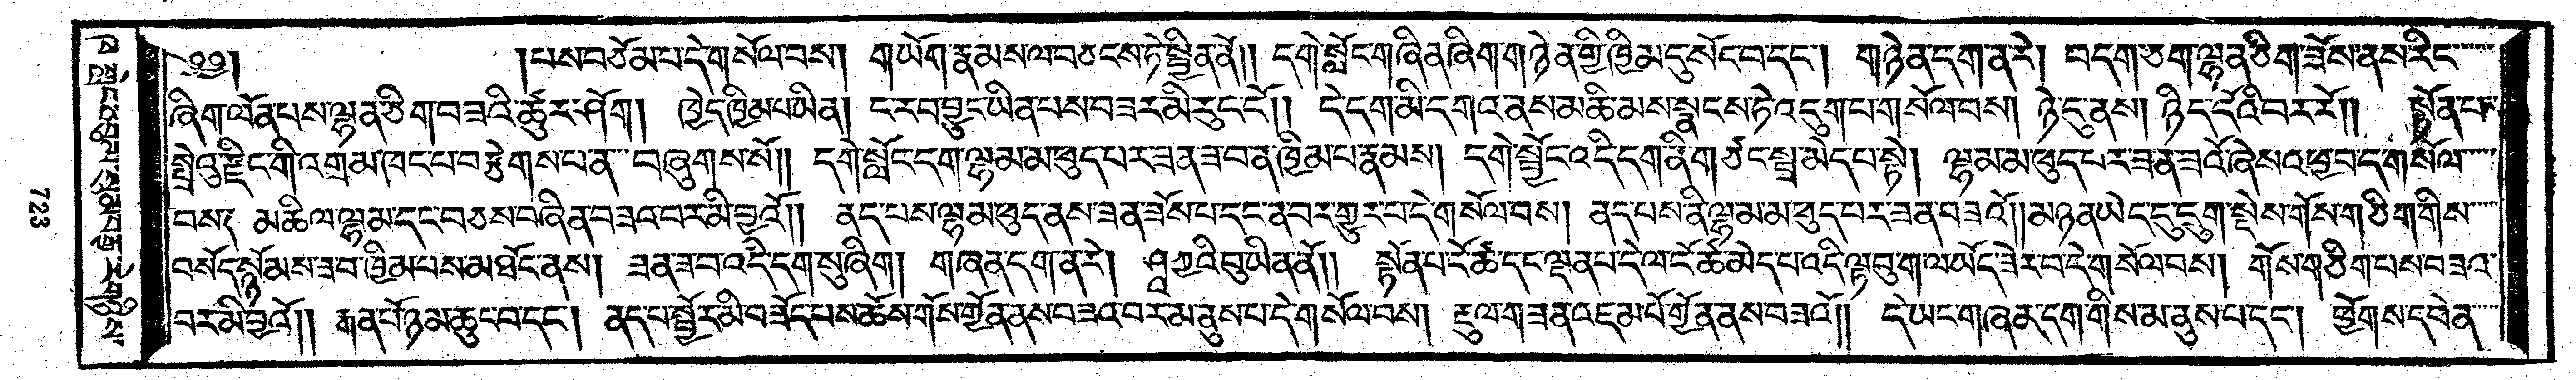༄༅། །པས་བཅོམ་པ་དེ་གསོལ་བས། གཡོག་རྣམས་ལ་བཅངས་ཏེ་སྦྱིན་ནོ། །དགེ་སློང་གཞིན་ཞིག་གཉེན་གྱི་ཁྱིམ་དུ་སོང་བ་དང་། གཉེན་དག་ན་རེ། བདག་ཅག་ལྷན་ཅིག་ཟོས་ནས་རིང་
ཞིག་ལོན་པས་ལྷན་ཅིག་བཟའི་ཚུར་ཤོག། ཁྱེད་ཁྱིམ་པ་ཡིན། ང་རབ་བྱུང་ཡིན་པས་བཟར་མི་རུང་ངོ། །དེ་དག་མི་དགའ་ནས་མཆི་མས་སྣངས་ཏེ་འདུག་པ་གསོལ་བས། ཉེ་དུ་ནས། ཉིད་དོའི་བར་རོ། །སྟོན་པ་
སྤྲེའུ་རྫིང་གི་འགྲམ་ཁང་པ་བརྩེགས་པ་ན་བཞུགས་སོ། །དགེ་སློང་དག་ལྷམ་མ་ཕུད་པར་ཟན་ཟ་བ་ན་ཁྱིམ་པ་རྣམས། དགེ་སྦྱོང་འདི་དག་ནི་གཙང་སྦྲ་མེད་པ་སྟེ། ལྷམ་མ་ཕུད་པར་ཟན་ཟའོ་ཞེས་འཕྱ་བ་ད་གསོལ་
བས༑ མཆིལ་ལྷ་མ་དང་བཅས་བཞིན་བཟའ་བར་མི་བྱའོ། །ནད་པས་ལྷམ་ཕུད་ནས་ཟན་ཟོས་པ་དང་ན་བར་གྱུར་པ་དེ་གསོལ་བས། ནད་པས་ནི་ལྷམ་མ་ཕུད་པར་ཟན་བཟའོ། །མཉན་ཡེང་དུ་དྲུག་སྡེས་གོས་གཅིག་གིས་
བསོད་སྙོམས་ཟ་བ་ཁྱིམ་པས་མཐོང་ནས། ཟན་ཟ་བ་འདི་དག་སུ་ཞིག། གཞན་དག་ན་རེ། ཤཱཀྱའི་བུ་ཡིན་ནོ། །སྟོན་པ་ངོ་ཚ་དང་ལྡན་པ་དེ་ལ་ངོ་ཚ་མེད་པ་འདི་ལྟ་བུ་ག་ལ་ཡོད་ཟེར་བ་དེ་གསོལ་བས། གོས་གཅིག་པས་བཟའ་
བར་མི་བྱའོ། །རྒན་པོ་ཉམ་ཆུང་བ་དང་། ནད་པ་སྦྱོར་མི་བཟོད་པས་ཆོས་གོས་གྱོན་ནས་བཟའ་བར་མ་ནུས་པ་དེ་གསོལ་བས། རྡུལ་གཞན་འཇམ་པོ་གྱོན་ནས་བཟའོ། །དེ་ཡང་གཞན་དག་གིས་མ་ནུས་པ་དང་། ཕྱོགས་དཔེན་